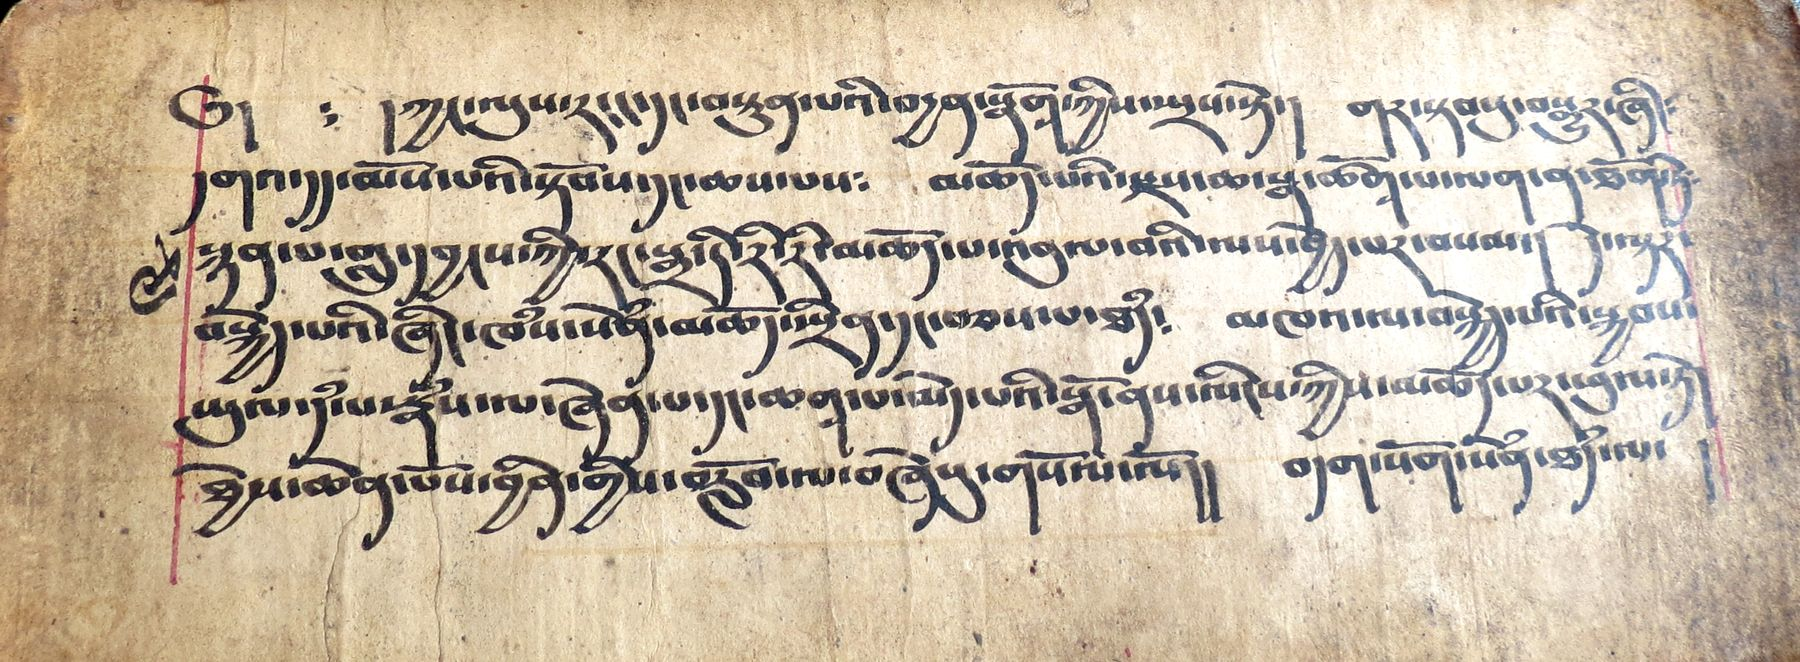ཀྱང་ལུས་རང་རང་དང་བསྟུན་པའི་རྒྱན་སྣ་ཚོགས་ཀྱིས་སྤྲས་ཏེ། གར་སྟབས་བསྒྱུར་ཞིང་། 
དགའ་དད་མོས་པའི་སྟོབས་དང་ཆས་པས། མཆོད་པའི་རྫས་ཆ་སྣ་ཚོགས་པ་ལག་ན་ཐོགས་ཏེ། 
སྙན་པ་གླུ་དབྱངས་ཀྱི་རང་སྒྲ་དི་རི་རིའི་མཆོད་པ་འབུལ་བའི་ལས་བྱེད་པར་བསམ། དེ་ལྟར་
བསྐྱེད་པའི་ཞིང་ཁམས་སེམས་ཅན་མཆོད་སྤྲིན་དང་བཅས་པ་ཐམས་ཅད་མཁའ་ལ་བསྐྱེད་པའི་སྐྱབས་
ཡུལ་དམ་པ་རྣམས་ལ། ཞེན་པ་དང་། ཆགས་པ་མེད་པའི་སྒོ་ནས་ལིངས་ཀྱིས་མཆོད་པ་འབུལ་ཏེ། 
ཐུགས་རྗེ་ཆེན་པོས་བྱིན་གྱིས་རློབས་ལ་བཞེས་སུ་གསོལ། བདག་སོགས་སེམས་ཅན་ཐམས་ཅད་ལ་